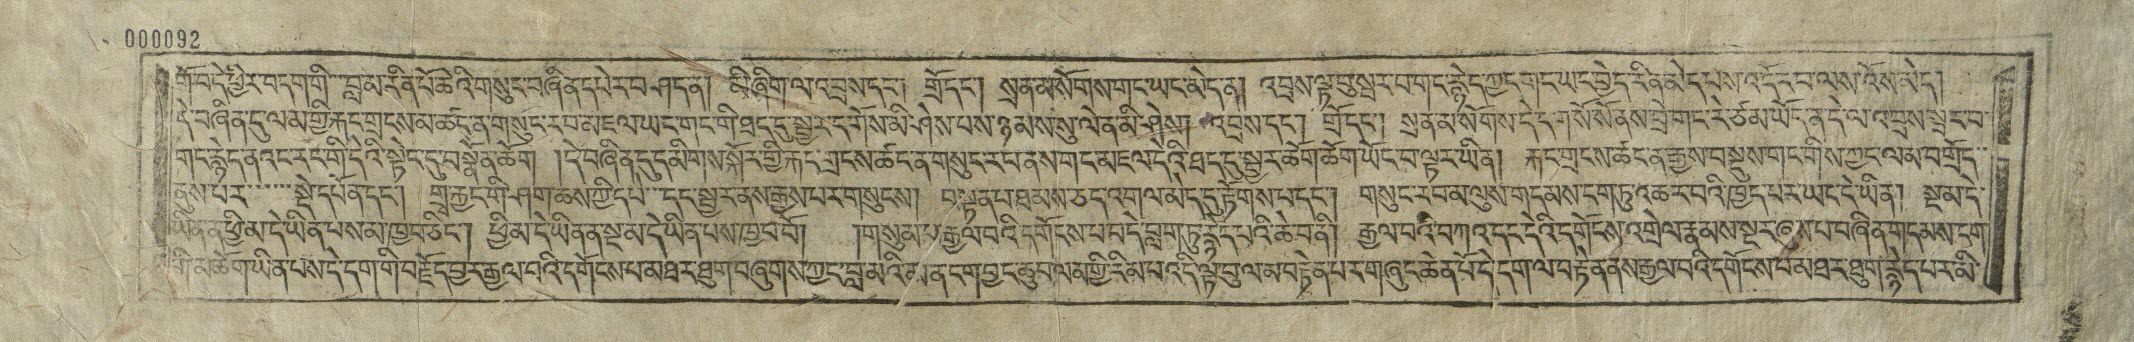གོ་བདེ་ཕྱིར་བདག་གི་བླ་མ་རིན་པོ་ཆེའི་གསུང་བཞིན་དཔེར་བཤད་ན། མི་ཞིག་ལ་འབྲས་དང༑ གྲོ་དང་། སྲན་མ་སོགས་གང་ཡང་མེད་ན། འབྲས་ལྟ་བུ་སྦར་བ་གང་རྙེད་ཀྱང་གང་ཡང་བྱེད་རིན་མེད་པས་འདོར་བ་ལས་འོས་མེད།
དེ་བཞིན་དུ་ལམ་གྱི་རྐང་གྲངས་མ་ཚང་ན་གསུང་རབ་མཇལ་ཡང་གང་གི་ཐད་དུ་སྦྱར་དགོས་མི་ཤེས་པས་ཉམས་སུ་ལེན་མི་ཤེས། འབྲས་དང་། གྲོ་དང་། སྲན་མ་སོགས་དེ་དག་སོ་སོ་ནས་བྲེ་གང་རེ་ཙམ་ཡོད་ན་དེ་ལ་འབྲས་སྦར་བ་
གང་རྙེད་ནའང་རང་གི་དེའི་སྟེང་དུ་བསྣོན་ཆོག །དེ་བཞིན་དུ་དམིགས་སྐོར་གྱི་རྐང་གྲངས་ཚང་ན་གསུང་རབ་ནས་གང་མཇལ་དེའི་ཐད་དུ་སྦྱར་ཆོག་ཆོག་ཡོང་བ་ལྟར་ཡིན། རྐང་གྲངས་ཚང་ན་རྒྱས་བསྡུས་གང་གིས་ཀྱང་ལམ་བགྲོད་
ནུས་པར་སྡེ་དཔོན་དང་། གྲྭ་རྐྱང་གི་ཤག་ཆས་ཀྱི་དཔེ་དང་སྦྱར་ནས་རྒྱས་པར་གསུངས། བསྟན་པ་ཐམས་ཅད་འགལ་མེད་དུ་རྟོགས་པ་དང་། གསུང་རབ་མ་ལུས་གདམས་ངག་ཏུ་འཆར་བའི་ཁྱད་པར་ཡང་དེ་ཡིན། སྔ་མ་དེ་
ཡིན་ན་ཕྱི་མ་དེ་ཡིན་པས་མ་ཁྱབ་ཅིང་། ཕྱི་མ་དེ་ཡིན་ན་སྔ་མ་དེ་ཡིན་པས་ཁྱབ་བོ། །གསུམ་པ་རྒྱལ་བའི་དགོངས་པ་བདེ་བླག་ཏུ་རྙེད་པའི་ཆེ་བ་ནི། རྒྱལ་བའི་བཀའ་དང་དེའི་དགོངས་འགྲེལ་རྣམས་སྔར་ཞུས་པ་བཞིན་གདམས་ངག་
གི་མཆོག་ཡིན་པས་དེ་དག་གི་བརྗོད་བྱར་རྒྱལ་བའི་དགོངས་པ་མཐར་ཐུག་བཞུགས་ཀྱང་བླ་མའི་མན་ངག་བྱང་ཆུབ་ལམ་གྱི་རིམ་པ་འདི་ལྟ་བུ་ལ་མ་བརྟེན་པར་གཞུང་ཆེན་པོ་དེ་དག་ལ་བརྟེན་ནས་རྒྱལ་བའི་དགོངས་པ་མཐར་ཐུག་རྙེད་པར་མི་